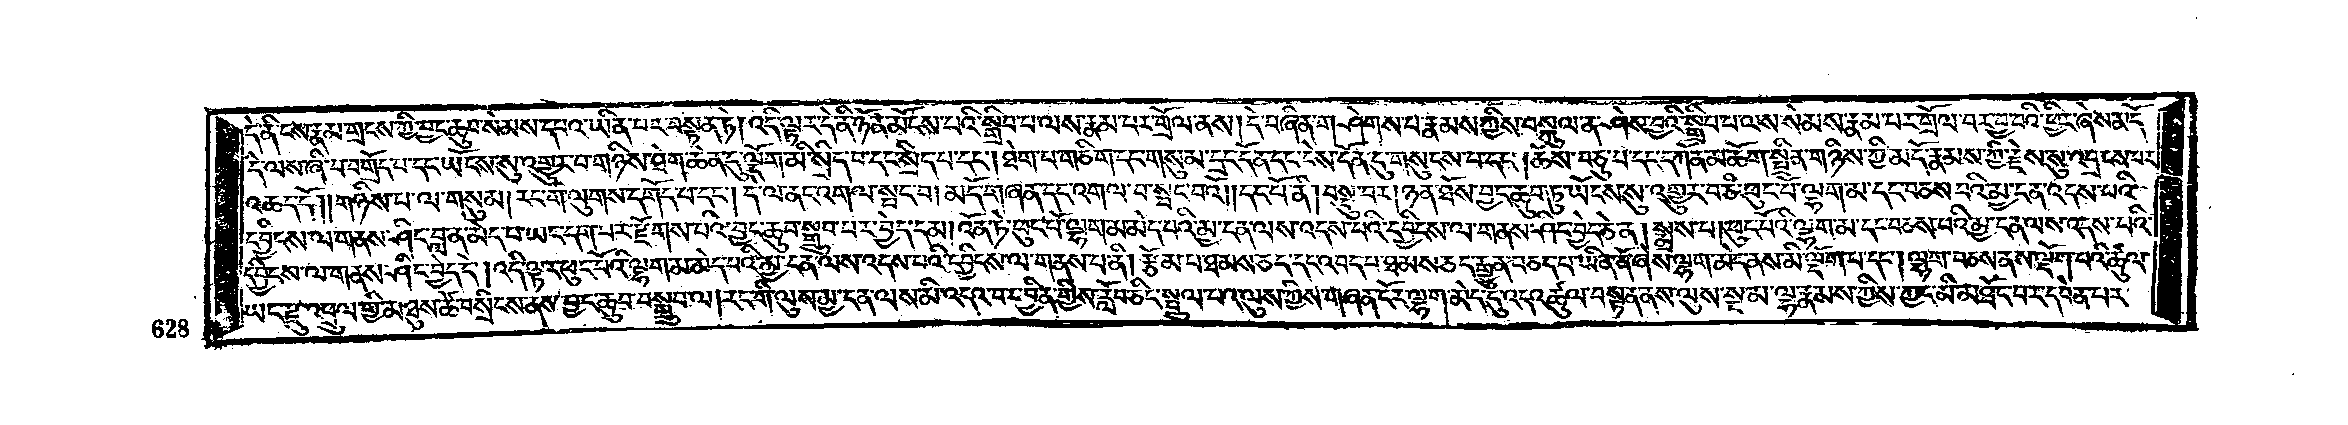དེ་ནི་ངས་རྣམ་གྲངས་ཀྱི་བྱང་ཆུབ་སེམས་དཔའ་ཡིན་པར་བསྟན་ཏེ། འདི་ལྟར་དེ་ནི་ཉོན་མོངས་པའི་སྒྲིབ་པ་ལས་རྣམ་པར་གྲོལ་ནས། དེ་བཞིན་གཤེགས་པ་རྣམས་ཀྱིས་བསྐུལ་ན་ཤེས་བྱའི་སྒྲིབ་པ་ལས་སེམས་རྣམ་པར་གྲོལ་བར་བྱ་བའི་ཕྱིར་ཞེས་མདོ་
དེ་ལས་ཞི་བ་བགྲོད་པ་དང་ཡོངས་སུ་འགྱུར་པ་གཉིས་ཐེག་ཆེན་དུ་ལྡོག་མི་སྲིད་པ་དང་སྲིད་པ་དང་། ཐེག་པ་གཅིག་དང་གསུམ་དྲང་དོན་དང་ངེས་དོན་དུ་གསུངས་པ་དང་། ཆོས་བཅུ་པ་དང་དཀོན་མཆོག་སྤྲིན་གཉིས་ཀྱི་མདོ་རྣམས་ཀྱི་རྗེས་སུ་འབྲངས་པར་
འཆད་དོ། །གཉིས་པ་ལ་གསུམ། རང་གི་ལུགས་དགོད་པ་དང་། དེ་ལ་ནང་འགལ་སྤང་བ། མདོ་གཞན་དང་འགལ་བ་སྤང་བའོ། །དང་པོ་ནི། བསྡུ་བར། ཉན་ཐོས་བྱང་ཆུབ་ཏུ་ཡོངས་སུ་འགྱུར་བ་ཅི་ཕུང་པོ་ལྷག་མ་དང་བཅས་པའི་མྱ་ངན་འདས་པའི་
དབྱིངས་ལ་གནས་ཤིང་བླ་ན་མེད་པ་ཡང་དག་པར་རྫོགས་པའི་བྱང་ཆུབ་སྒྲུབ་པར་བྱེད་དམ། འོན་ཏེ་ཕུང་པོ་ལྷག་མ་མེད་པའི་མྱ་ངན་ལས་འདས་པའི་དབྱིངས་ལ་གནས་ཤིང་བྱེད་ཅེ་ན། སྨྲས་པ། ཕུང་པོའི་ལྷག་མ་དང་བཅས་པའི་མྱ་ངན་ལས་འདས་པའི་
དབྱིངས་ལ་གནས་ཤིང་བྱེད་དེ། འདི་ལྟར་ཕུང་པོའི་ལྷག་མ་མེད་པའི་མྱ་ངན་ལས་འདས་པའི་དབྱིངས་ལ་གནས་པ་ནི། རྩོམ་པ་ཐམས་ཅད་དང་འབད་པ་ཐམས་ཅད་རྒྱུན་བཅད་པ་ཡིན་ནོ་ཞེས་ལྷག་མེད་ནས་མི་ལྡོག་པ་དང་། ལྷག་བཅས་ནས་ལྡོག་པའི་ཚུལ་
ཡང་རྫུ་འཕྲུལ་གྱི་མཐུས་ཚེ་བསྲིངས་ནས་བྱང་ཆུབ་བསྒྲུབ་ལ། རང་གི་ལུས་མྱ་ངན་ལས་མི་འདའ་བར་བྱིན་གྱིས་རློབ་ཅིང་སྤྲུལ་པའི་ལུས་ཀྱིས་གཞན་དོར་ལྷག་མེད་དུ་འདའ་ཚུལ་བསྟན་ནས་ལུས་སྔ་མ་ལྷ་རྣམས་ཀྱིས་ཀྱང་མི་མཐོང་བར་དབེན་པར་